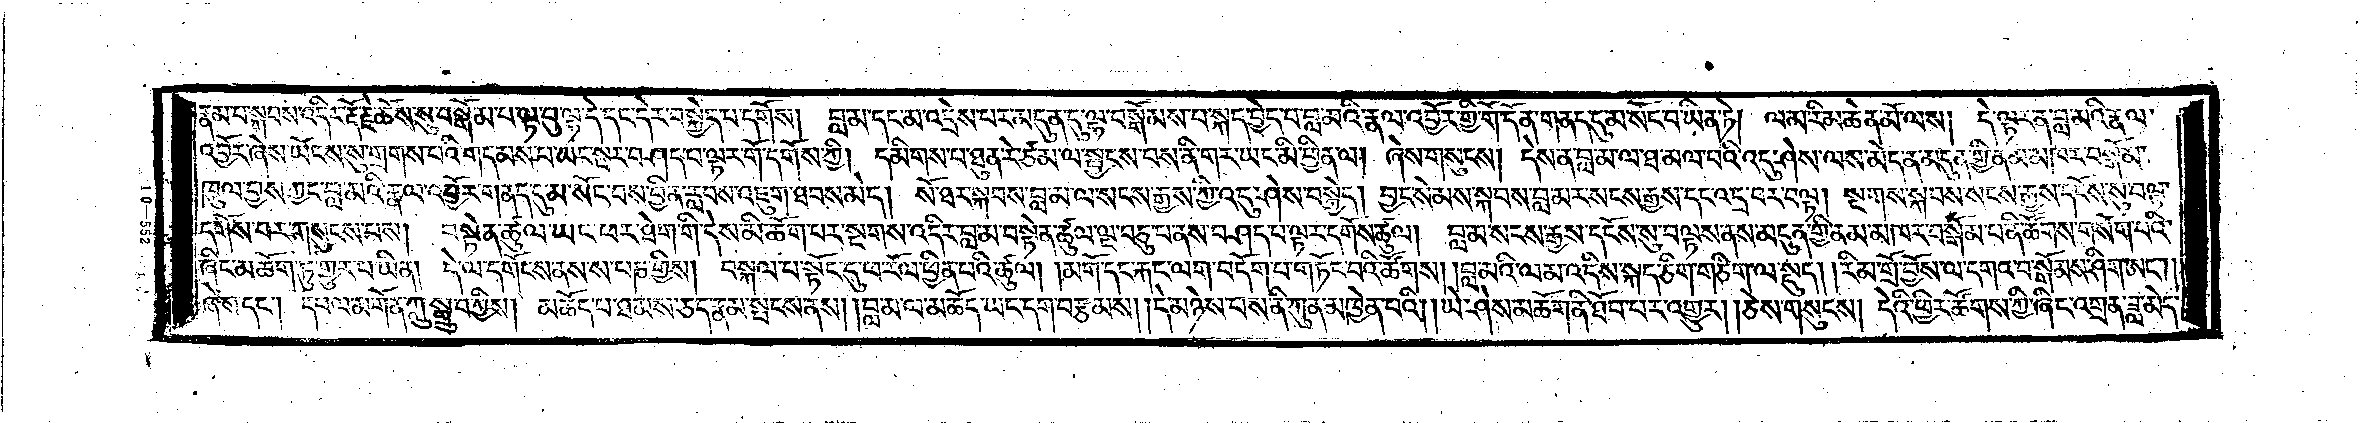རྣམ་པ་སྐབས་འདིར་རྡོ་རྗེ་ཆོས་སུ་བསྒོམ་པ་ལྟ་བུ་ལྷ་དེ་དང་དེར་བསྐྱེད་པ་དགོས། བླ་མ་དང་མ་འདྲེས་པར་མདུན་དུ་ལྷ་བསྒོམས་པ་སྐད་བྱེད་པ་བླ་མའི་རྣལ་འབྱོར་གྱི་གོ་དོན་གནད་དུ་མ་སོང་བ་ཡིན་ཏེ། ལམ་རིམ་ཆེན་མོ་ལས། དེ་ལྟར་ན་བླ་མའི་རྣལ་
འབྱོར་ཞེས་ཡོངས་སུ་གྲགས་པའི་གདམས་པ་ཡང་སྔར་བཤད་པ་ལྟར་གོ་དགོས་ཀྱི། དམིགས་པ་ཐུན་རེ་ཙམ་ལ་སྦྱངས་པས་ནི་གར་ཡང་མི་ཕྱིན་ལ། ཞེས་གསུངས། དེས་ན་བླ་མ་ལ་ཐ་མལ་པའི་འདུ་ཤེས་ལས་མེད་ན་མདུན་གྱི་ནམ་མཁར་བསྒོམ་
ཁུལ་བྱས་ཀྱང་བླ་མའི་རྣལ་འབྱོར་གནད་དུ་མ་སོང་བས་བྱིན་རླབས་འཇུག་ཐབས་མེད། སོ་ཐར་སྐབས་བླ་མ་ལ་སངས་རྒྱས་ཀྱི་འདུ་ཤེས་བསྐྱེད། བྱང་སེམས་སྐབས་བླ་མར་སངས་རྒྱས་དང་འདྲ་བར་བལྟ། སྔགས་སྐབས་སངས་རྒྱས་དངོས་སུ་བལྟ་
དགོས་པར་གསུངས་པས། བསྟེན་ཚུལ་ཡང་ཕར་ཐེག་གི་ངེས་མི་ཆོག་པར་སྔགས་འདིར་བླ་མ་བསྟེན་ཚུལ་ལྔ་བཅུ་པ་ནས་བཤད་པ་ལྟར་དགོས་ཚུལ། བླ་མ་སངས་རྒྱས་དངོས་སུ་བལྟས་ནས་མདུན་གྱི་ནམ་མཁར་བསྒོམ་པ་ནི་ཚོགས་གསོག་པའི་
ཞིང་མཆོག་ཏུ་གྱུར་པ་ཡིན། དེ་ལ་དགོངས་ནས་ས་པཎ་གྱིས། བསྐལ་པ་སྟོང་དུ་ཕ་རོལ་ཕྱིན་པའི་ཚུལ། །མགོ་དང་རྐང་ལག་བདོག་པ་གཏོང་བའི་ཚོགས། །བླ་མའི་ལམ་འདིས་སྐད་ཅིག་གཅིག་ལ་སྡུད། །རིམ་གྲོ་བྱོས་ལ་དགའ་བ་སྒོམས་ཤིག་ཨང་། །
ཞེས་དང་། དཔལ་མགོན་ཀླུ་སྒྲུབ་ཀྱིས། མཆོད་པ་ཐམས་ཅད་རྣམ་སྤངས་ནས། །བླ་མ་ལ་མཆོད་ཡང་དག་བརྩམས། །དེ་མཉེས་པས་ནི་ཀུན་མཁྱེན་པའི། །ཡེ་ཤེས་མཆོག་ཞི་ཐོབ་པར་འགྱུར། །ཅེས་གསུངས། དེའི་ཕྱིར་ཚོགས་ཀྱི་ཞིང་འགྲན་ཟླ་མེད་